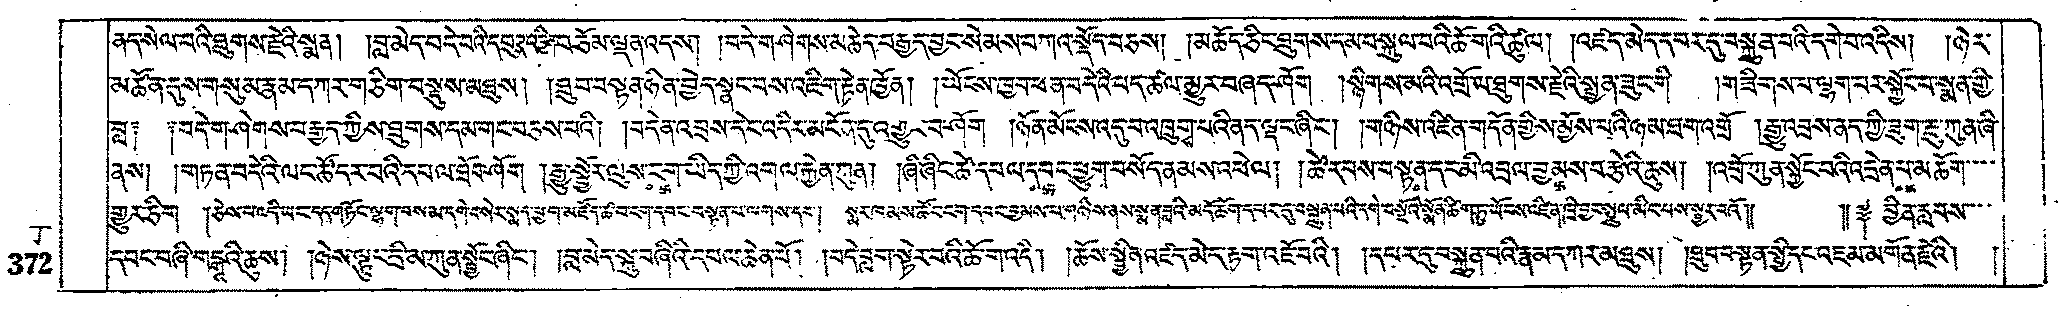ནད་སེལ་བའི་ཐུགས་རྗེའི་སྨན། །བླ་མེད་བདེ་བའི་དབུཌ་འབྱིན་བཅོམ་ལྡན་འདས། །བདེ་གཤེགས་མཆེད་བརྒྱད་བྱང་སེམས་བཀའ་སྡོད་བཅས། །མཆོད་ཅིང་ཐུགས་དམ་བསྐུལ་བའི་ཆོ་གའི་ཚུལ། །འཛད་མེད་དཔར་དུ་བསྐྲུན་པའི་དགེ་བ་འདིས། །ཉེར་
མཚོན་དུས་གསུམ་རྣམ་དཀར་གཅིག་བསྡུས་མཐུས། །ཐུབ་བསྟན་ཉིན་བྱེད་སྣང་བས་འཇིག་རྟེན་ཁྱོན། །ཡོངས་ཁྱབ་ཕན་བདེའི་པད་ཚལ་མྱུར་བཞད་ཤོག །སྙིགས་མའི་འགྲོ་ལ་ཐུགས་རྗེའི་སྤྱན་ཟུང་གི །གཟིགས་པ་ལྷག་པར་སྐྱོང་བ་སྨན་གྱི་
བླ༑ ༑བདེ་གཤེགས་བརྒྱད་ཀྱིས་ཐུགས་དམ་གང་བཅས་པའི། །བདེན་འབྲས་དེང་འདིར་མངོན་དུ་འགྱུར་བ་ཤོག །ཉོན་མོངས་འདུ་བ་འཁྲུགས་པའི་ནད་ལྡང་ཞིང་། །གཉིས་འཛིན་གདོན་གྱིས་མྱོས་པའི་ཉམ་ཐག་འགྲོ་།རྒྱུ་འབྲས་ནད་ཀྱི་ཟུག་རྔུ་ཀུན་ཞི་
ནས། །གཏན་བདེའི་ལང་ཚོ་དར་པའི་དཔལ་ཐོག་ཤོག །རྒྱུ་སྦྱོར་ལུས་ངག་ཡིད་ཀྱི་འགལ་རྐྱེན་ཀུན། །ཞི་ཞིང་ཚེ་དཔལ་དབང་ཕྱུག་བསོད་ནམས་འཕེལ། །ཚེ་རབས་བསྟན྾་དང་མི་འབྲལ་བྱམས་བརྩེའི་ཆུས། །འགྲོ་ཀུན་སྐྱོང་བའི་འདྲེན་པ་མཆོག་་་
གྱུར་ཅིག་།ཅེས་པ་འདི་ཡང་དད་གཏོང་ལྷག་བསམ་དགེ་བ་སེར་སྨད་ཕྱག་མཛོད་ཚ་བ་ངག་དབང་བསྟན་པ་ལགས་དང་། སྨར་ཁམས་ཚོང་ངག་དབང་བྱམས་པ་གཉིས་ནས་སྨན་བླའི་མདོ་ཆོག་དཔར་དུ་བསྐྲུན་པའི་དགེ་བསྔོའི་སྨོན་ཚིག་ཏུ་ཡོངས་འཛིན་ཁྲི་བྱང་སྤྲུལ་མིང་པས་སྦྱར་བའོ།།  །། འ་བྱིན་རླབས་་་
དབང་བཞི་གངྒཱཨི་ཆུས། །ཉེས་ལྟུང་དྲི་མ་ཀུན་སྦྱོང་ཞིང་། །བླ་མེད་སྐུ་བཞིའི་དཔལ་ཆེན་པོ། །བདེ་བླག་སྟེར་བའི་ཆོ་ག་འདི། །ཆོས་སྦྱིན་འཛད་མེད་རྟག་འཇོ་བའི། །དཔར་དུ་བསྐྲུན་པའི་རྣམ་དཀར་མཐུས། །ཐུབ་བསྟན་སྤྱི་དང་འཇམ་མགོན་རྗེའི། །